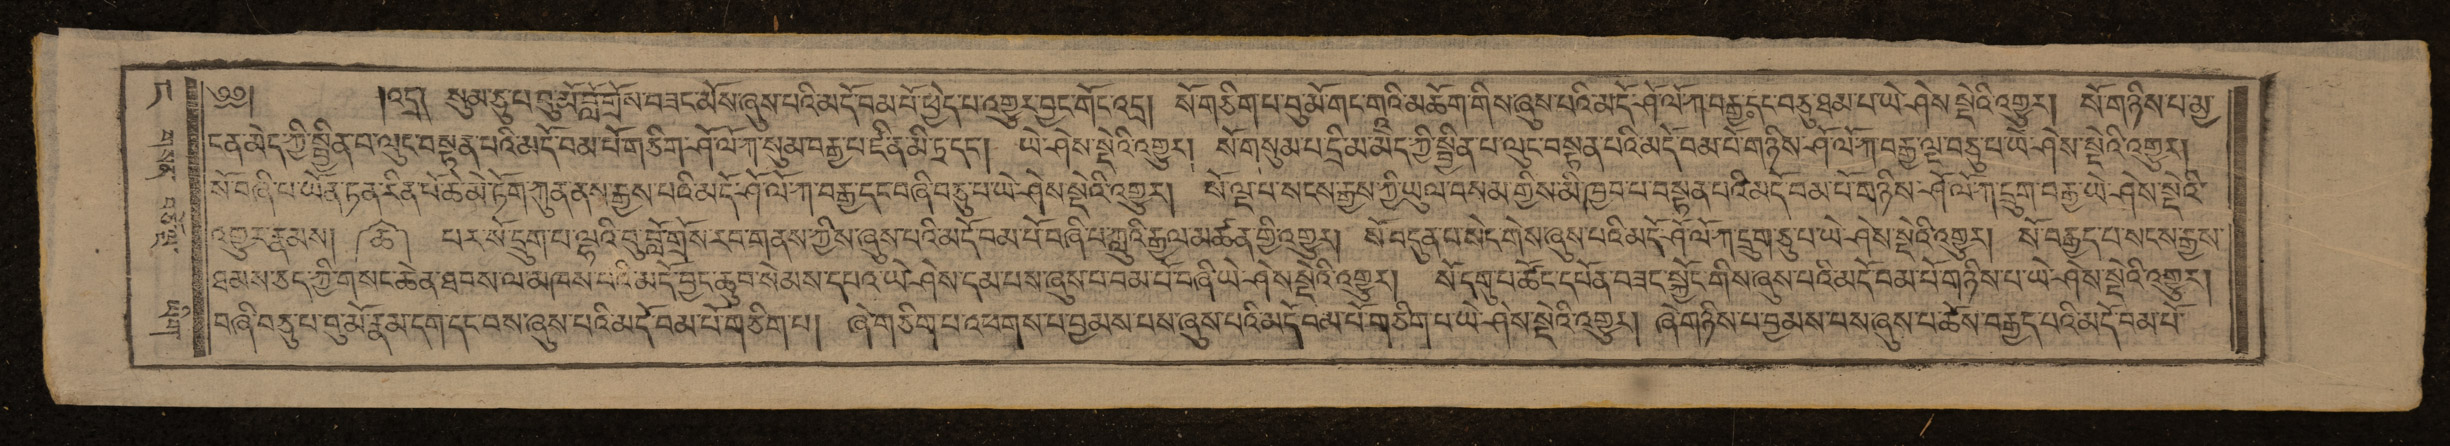༄༅། །འདྲ༑ སུམ་ཅུ་པ་བུ་མོ་བློ་གྲོས་བཟང་མོས་ཞུས་པའི་མདོ་བམ་པོ་ཕྱེད་པ་འགྱུར་བྱང་གོང་འདྲ། སོ་གཅིག་པ་བུ་མོ་གང་གཱའི་མཆོག་གིས་ཞུས་པའི་མདོ་ཤོ་ལོ་ཀ་བརྒྱཾ་དང་བཅུ་ཐམ་པ་ཡེ་ཤེས་སྡེའི་འགྱུར། སོ་གཉིས་པ་མྱ་
དང་མེད་ཀྱི་སྦྱིན་པ་ལུང་བསྟན་པའི་མདོ་བམ་པོ་གཅིག་ཤོ་ལོ་ཀ་སུམ་བརྒྱ་པ་ཛིན་མི་ཏྲ་དང་། ཡེ་ཤེས་སྡེའི་འགྱུར། སོ་གསུམ་པ་དྲི་མ་མེད་ཀྱི་སྦྱིན་པ་ལུང་བསྟན་པའི་མདོ་བམ་པོ་གཉིས་ཤོ་ལོ་ཀ་བརྒྱ་ལྔ་བཅུ་པ་ཡེ་ཤེས་སྡེའི་འགྱུར།
སོ་བཞི་པ་ཡོན་ཏན་རིན་པོ་ཆེ་མེ་ཏོག་ཀུན་ནས་རྒྱས་པའི་མདོ་ཤོ་ལོ་ཀ་བརྒྱ་དང་བཞི་བཅུ་པ་ཡེ་ཤེས་སྡེའི་འགྱུར། སོ་ལྔ་པ་སངས་རྒྱས་ཀྱི་ཡུལ་བསམ་གྱིས་མི་ཁྱབ་པ་བསྟན་པའི་མདོ་བམ་པོ་གཉིས་ཤོ་ལོ་ཀ་དྲུག་བརྒྱ་ཡེ་ཤེས་སྡེའི་
འགྱུར་རྣམས། {ཆ}་པར་སོ་དྲུག་པ་ལྷའི་བུ་བློ་གྲོས་རབ་གནས་ཀྱིས་ཞུས་པའི་མདོ་བམ་པོ་བཞི་པ་ཀླུའི་རྒྱལ་མཚན་གྱི་འགྱུར། སོ་བདུན་བ་སེང་གེས་ཞུས་པའི་མདོ་ཤོ་ལོ་ཀ་དྲུག་ཅུ་པ་ཡེ་ཤེས་སྡེའི་འགྱུར། སོ་བརྒྱད་པ་སངས་རྒྱས་
ཐམས་ཅད་ཀྱི་གསང་ཆེན་ཐབས་ལ་མཁས་པའི་མདོ་བྱང་ཆུབ་སེམས་དཔའ་ཡེ་ཤེས་དམ་པས་ཞུས་པ་བམ་པོ་བཞི་ཡེ་ཤེས་སྡེའི་འགྱུར། སོ་དགུ་པ་ཚོང་དཔོན་བཟང་སྐྱོང་གིས་ཞུས་པའི་མདོ་བམ་པོ་གཉིས་པ་ཡེ་ཤེས་སྡེའི་འགྱུར།
བཞི་བཅུ་པ་བུ་མོ་རྣམ་དག་དང་བས་ཞུས་པའི་མདོ་བམ་པོ་གཅིག་པ། ཞེ་གཅིག་པ་འཕགས་པ་བྱམས་བས་ཞུས་པའི་མདོ་བམ་པོ་གཅིག་པ་ཡེ་ཤེས་སྡེའི་འགྱུར། ཞེ་གཉིས་པ་བྱམས་བས་ཞུས་པ་ཆོས་བརྒྱད་པའི་མདོ་བམ་པོ་